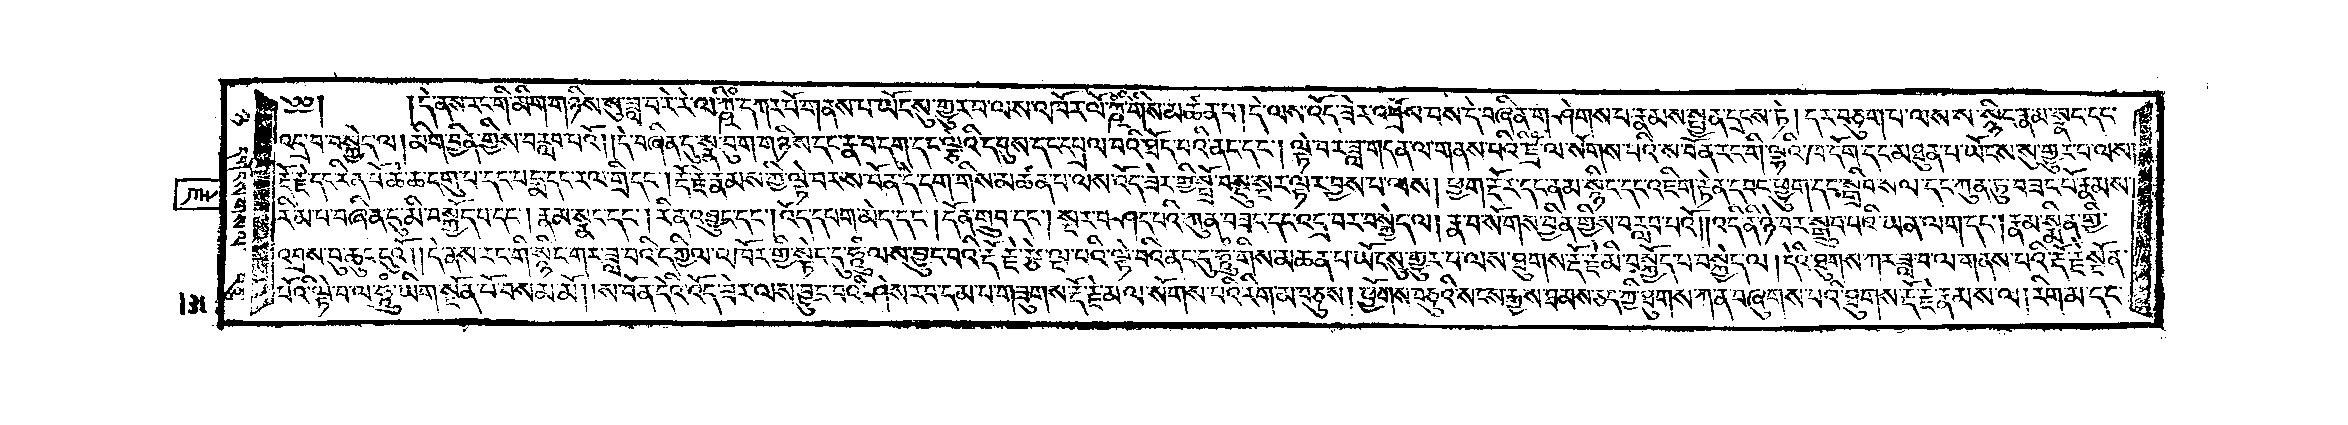༄༅། །དེ་ནས་རང་གི་མིག་གཉིས་སུ་ཟླ་བ་རེ་རེ་ལ་ཀྵིཾ་དཀར་པོ་གནས་པ་ཡོངས་སུ་གྱུར་པ་ལས་འཁོར་ལོ་ཀྵིཾ་གིས་མཚན་པ། དེ་ལས་འོད་ཟེར་འཕྲོས་པས་དེ་བཞིན་གཤེགས་པ་རྣམས་སྤྱན་དྲངས་ཏེ། དར་བཅུག་པ་ལས་ས་སྙིང་རྣམ་སྣང་དང་
འདྲ་བ་བསྐྱེད་ལ། མིག་བྱིན་གྱིས་བརླབ་པའོ། །དེ་བཞིན་དུ་སྣ་བུག་གཉིས་དང་རྣ་བ་དག་དང་ལྕེའི་དབུས་དང་དཔྲལ་བའི་ཐོད་པའི་ནང་དང་། ལྟེ་བར་ཟླ་གདན་ལ་གནས་པའི་ཛིཾ་ལ་སོགས་པའི་ས་བོན་རང་གི་ལྷའི་ཁ་དོག་དང་མཐུན་པ་ཡོངས་སུ་གྱུར་པ་ལས།
རྡོ་རྗེ་དང་རིན་པོ་ཆེ་ཆ་དགུ་པ་དང་པདམ་དང་རལ་གྲི་དང་། རྡོ་རྗེ་རྣམས་ཀྱི་ལྟེ་བར་ས་བོན་དེ་དག་གིས་མཚན་པ་ལས་འོད་ཟེར་གྱི་སྤྲོ་བསྡུ་སྔར་ལྟར་བྱས་པ་ལས། ཕྱག་རྡོར་དང་ནམ་སྙིང་དང་འཇིག་རྟེན་དབང་ཕྱུག་དང་སྒྲིབ་སེལ་དང་ཀུན་ཏུ་བཟང་པོ་རྣམས་
རིམ་པ་བཞིན་དུ་མི་བསྐྱོད་པ་དང་། རྣམ་སྣང་དང་། རིན་འབྱུང་དང་། འོད་དཔག་མེད་དང་། དོན་གྲུབ་དང་། སྔར་བཤད་པའི་ཀུན་བཟང་དང་འདྲ་བར་བསྐྱེད་ལ། རྣ་བ་སོགས་བྱིན་གྱིས་བརླབ་པའོ། །འདི་ནི་ཉེ་བར་སྒྲུབ་པའི་ཡན་ལག་དང་། རྣམ་སྨིན་གྱི་
འབྲས་བུ་ཆུང་ངུའོ། །དེ་ནས་རང་གི་སྙིང་གར་ཟླ་བའི་དཀྱིལ་འཁོར་གྱི་སྟེང་དུ་ཧཱུཾ་ལས་བྱུང་བའི་རྡོ་རྗེ་རྩེ་ལྔ་པའི་ལྟེ་བའི་ནང་དུ་ཧཱུཾ་གིས་མཚན་པ་ཡོངས་སུ་གྱུར་པ་ལས་ཐུགས་རྡོ་རྗེ་མི་བསྐྱོད་པ་བསྐྱེད་ལ། དེའི་ཐུགས་ཀར་ཟླ་བ་ལ་གནས་པའི་རྡོ་རྗེ་སྔོན་
པོའི་ལྟེ་བ་ལ་ཧཱུཾ་ཡིག་སྔོན་པོ་བསམ་མོ། །ས་བོན་དེའི་འོད་ཟེར་ལས་བྱུང་བའི་ཤེས་རབ་དམ་པ་གཟུགས་རྡོ་རྗེ་མ་ལ་སོགས་པའི་རིག་མ་བཅུས། ཕྱོགས་བཅུའི་སངས་རྒྱས་ཐམས་ཅད་ཀྱི་ཐུགས་ཀ་ན་བཞུགས་པའི་ཐུགས་རྡོ་རྗེ་རྣམས་ལ། རིག་མ་དང་